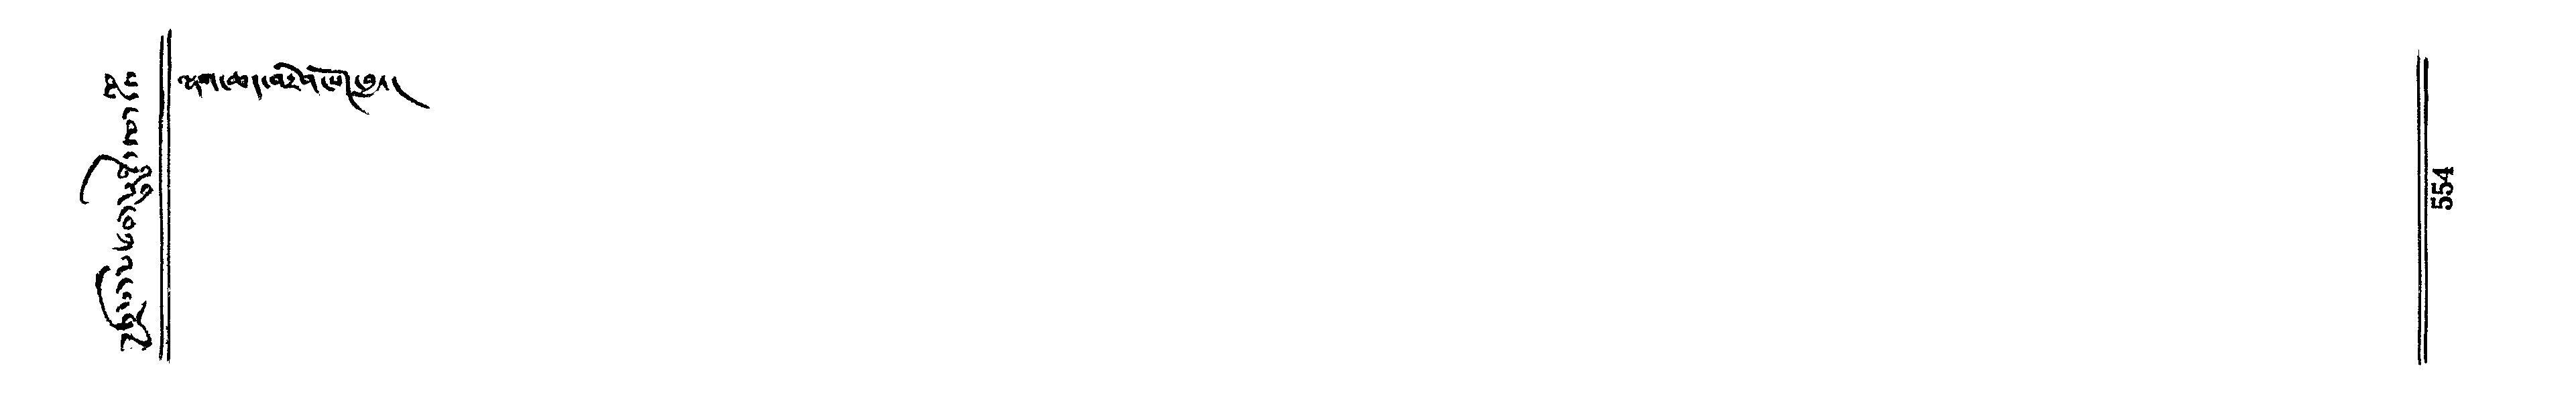ལྷག་ཆད་བརྟན་སོགས་བྱ།